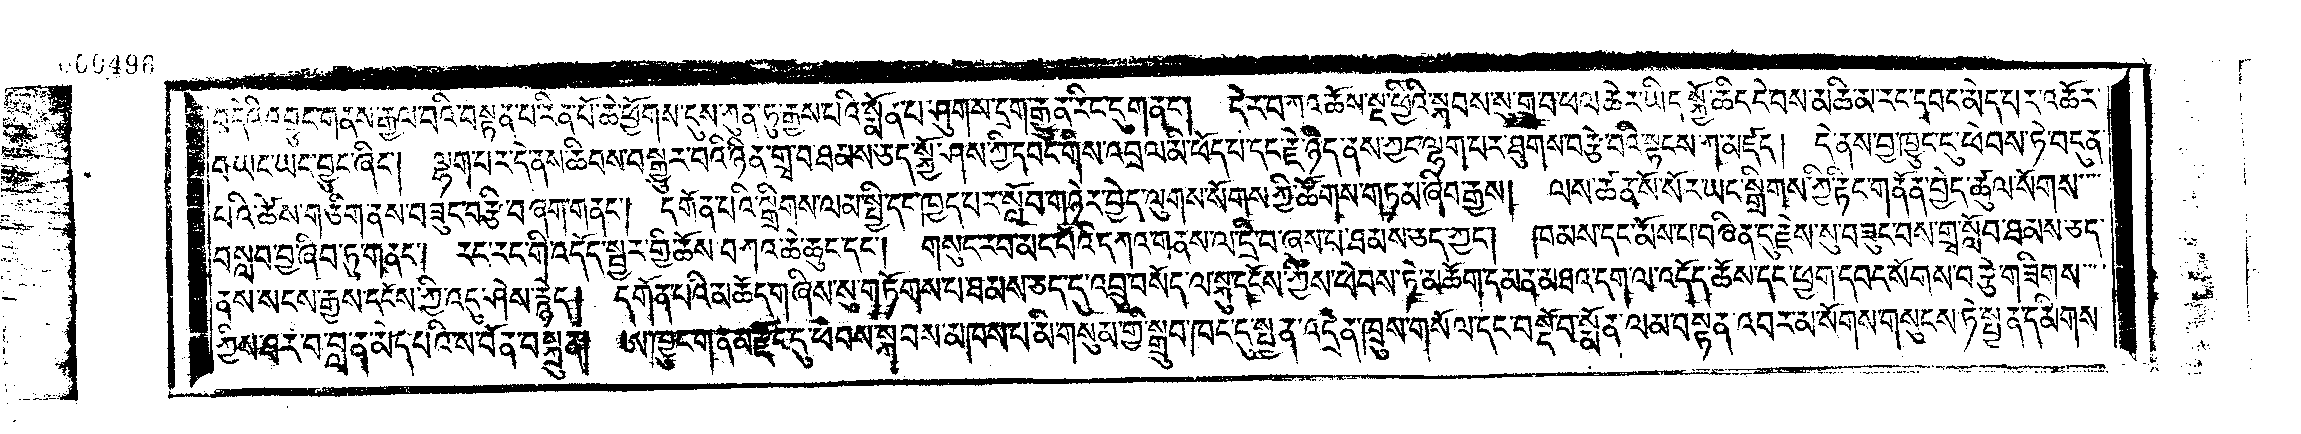བདེའི་འབྱུང་གནས་རྒྱལ་བའི་བསྟན་པ་རིན་པོ་ཆེ་ཕྱོགས་དུས་ཀུན་ཏུ་རྒྱས་པའི་སྨོན་པ་ཤུགས་དྲག་རྒྱུན་རིང་དུ་གནང་། དེར་བཀའ་ཆོས་སྔ་ཕྱིའི་སྐབས་སུ་གྲྭ་བ་ཕལ་ཆེར་ཡིད་སྐྱོ་ཆིང་དེ་བས་མཆིམ་རང་དབང་མེད་པར་འཆོར་
པ་ཡང་ཡང་བྱུང་ཞིང་། ལྷག་པར་དེ་ནས་ཆིབས་བསྒྱུར་བའི་ཉིན་གྲྭ་བ་ཐམས་ཅད་སྐྱོ་ཤས་ཀྱི་དབང་གིས་འབྲལ་མི་ཕོད་པ་དང་རྗེ་ཉིད་ནས་ཀྱང་ལྷག་པར་ཐུགས་བརྩེ་བའི་སྟངས་ཀ་མཛད། དེ་ནས་བྱ་ཁྱུང་དུ་ཕེབས་ཏེ་བདུན་
པའི་ཚེས་གཅིག་ནས་བཟུང་བརྩི་བཞག་གནང་། དགོན་པའི་སྒྲིགས་ལམ་སྤྱི་དང་ཁྱད་པར་སློབ་གཉེར་བྱེད་ལུགས་སོགས་ཀྱི་ཚོགས་གཏམ་ཞིབ་རྒྱས། ལས་ཚན་སོ་སོར་ཡང་སྒྲིགས་ཀྱི་རྟིང་གནོན་བྱེད་ཚུལ་སོགས་
བསླབ་བྱ་ཞིབ་ཏུ་གནང་། རང་རང་གི་འདོད་སྦྱར་གྱི་ཆོས་བཀའ་ཆེ་ཆུང་དང་། གསུང་རབ་མང་པོའི་དཀའ་གནས་ལ་དྲི་བ་ཞུས་པ་ཐམས་ཅད་ཀྱང་། ཁམས་དང་མོས་པ་བཞིན་དུ་རྗེས་སུ་བཟུང་བས་གྲྭ་སློབ་ཐམས་ཅད་
ནས་སངས་རྒྱས་དངོས་ཀྱི་འདུ་ཤེས་རྙེད། དགོན་པའི་མཆོད་གཞིས་སུ་གཏོགས་པ་ཐམས་ཅད་དུ་འབྲུ་བསོད་ལ་སྐུ་དངོས་ཀྱིས་ཕེབས་ཏེ་མཆོག་དམན་མཐའ་དག་ལ་འདོད་ཆོས་དང་ཕྱག་དབང་སོགས་བརྩེ་གཟིགས་
ཀྱིས་ཐར་པ་བླ་ན་མེད་པའི་ས་བོན་བསྐྲུན། ཨ་ཁྱུང་གནས་རྫོང་དུ་ཕེབས་སྐབས་མཁས་པ་མི་གསུམ་གྱི་སྒྲུབ་ཁང་དུ་སྤྱན་འདྲེན་ཁྲུས་གསོལ་དང་བསྔོ་བ་སྨོན་ལམ་བསྟན་འབར་མ་སོགས་གསུངས་ཏེ་སྤྱན་དམིགས་